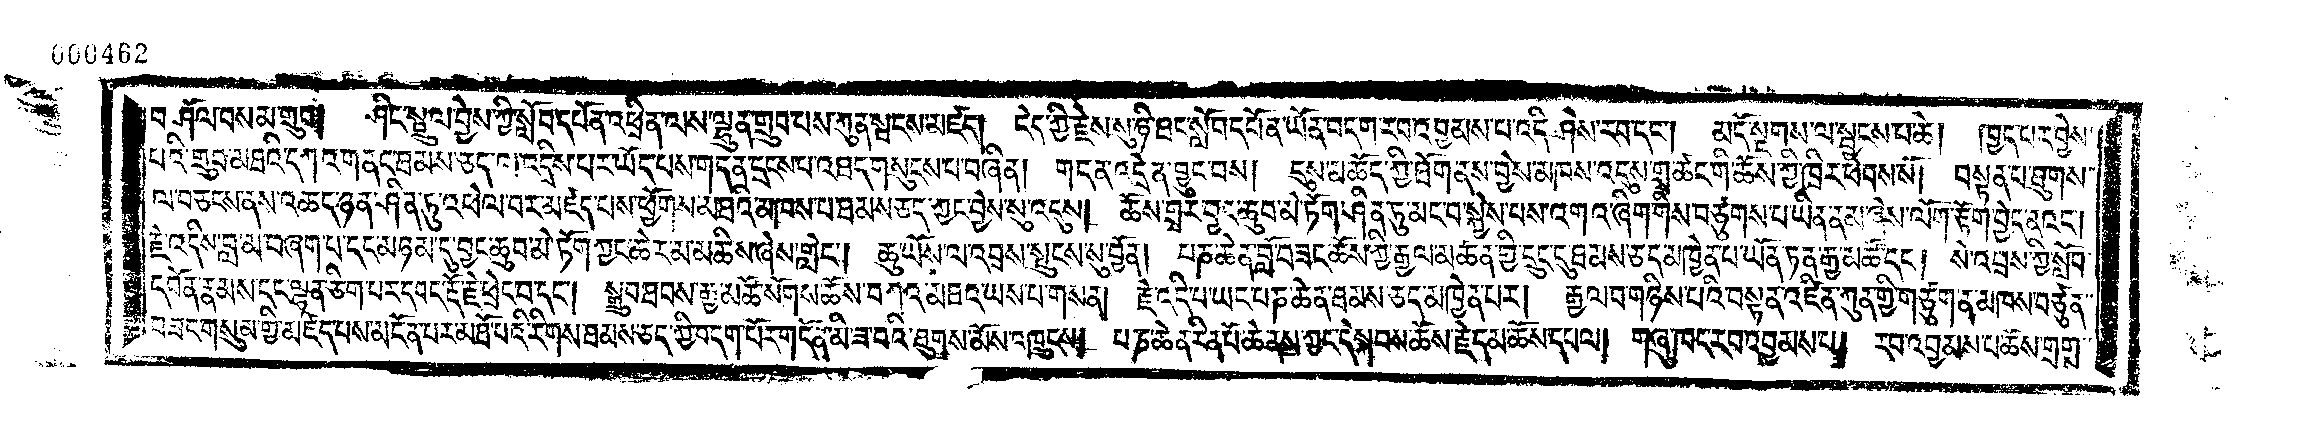བཤོལ་བསམ་གྲུབ། ཤིང་སྤྲུལ་བྱེས་ཀྱི་སློབ་དཔོན་འཕྲིན་ལས་ལྷུན་གྲུབ་པས་ཀུན་སྤངས་མཛད། ངེད་ཀྱི་རྗེས་སུ་ཉི་ཐང་སློབ་དཔོན་ཡོན་བདག་རབ་འབྱམས་པ་འདི་ཤེས་རབ་དང་། མདོ་སྔགས་ལ་སྦྱངས་པ་ཆེ། ཁྱད་པར་བྱེས་
པའི་གྲུབ་མཐའི་དཀའ་གནང་ཐམས་ཅད་ལ་འདྲིས་པར་ཡོད་པས་གདན་དྲངས་པ་འཐད་གསུངས་པ་བཞིན། གདན་འདྲེན་བྱུང་བས། དུས་མཆོད་ཀྱི་ཐོག་ནས་བྱེས་མཁས་འདུས་གྲྭ་ཚང་གི་ཆོས་ཀྱི་ཁྲིར་ཕེབས་སོ། བསྟན་པ་ཐུགས་
ལ་བཅངས་ནས་འཆད་ཉན་ཤིན་ཏུ་འཕེལ་བར་མཛད་པས་ཕྱོགས་མཐའི་མཁས་པ་ཐམས་ཅད་ཀྱང་བྱེས་སུ་འདུས། ཆོས་གྲྭར་བྱང་ཆུབ་མེ་ཏོག་ཤིན་ཏུ་མང་བ་སྐྱེས་པས་འགའ་ཞིག་གིས་བཙུགས་པ་ཡིན་ནམ་ཞེས་ལོག་རྟོག་བྱེད་ནའང་།
རྗེ་འདིས་བླ་མ་བཞག་པ་དང་མཉམ་དུ་བྱང་ཆུབ་མེ་ཏོག་ཀྱང་ཆེར་མ་མཆིས་ཞེས་གླེང་། ཆུ་ཡོས་ལ་འབྲས་སྤུངས་སུ་བྱོན། པཎ་ཆེན་བློ་བཟང་ཆོས་ཀྱི་རྒྱལ་མཚན་གྱི་དྲུང་དུ་ཐམས་ཅད་མཁྱེན་པ་ཡོན་ཏན་རྒྱ་མཚོ་དང་། སེ་འབྲས་ཀྱི་སློབ་
དཔོན་རྣམས་དང་ལྷན་ཅིག་པར་དབང་རྡོ་རྗེ་ཕྲེང་བ་དང་། སྒྲུབ་ཐབས་རྒྱ་མཚོ་སོགས་ཆོས་བཀའ་མཐའ་ཡས་པ་གསན། རྗེ་འདི་པ་ཡང་པཎ་ཆེན་ཐམས་ཅད་མཁྱེན་པར། རྒྱལ་བ་གཉིས་པའི་བསྟན་འཛིན་ཀུན་གྱི་གཙུག་ན་མཁས་བཙུན་
བཟང་གསུམ་གྱི་མཛད་པས་མངོན་པར་མཐོ་བའི་རིགས་ཐམས་ཅད་ཀྱི་བདག་པོར་གདོན་མི་ཟ་བའི་ཐུགས་མོས་འཁྲུངས། པཎ་ཆེན་རིན་པོ་ཆེ་ནས་ཀྱང་དེ་སྐབས་ཆོས་རྗེ་དམ་ཆོས་དཔལ། གཞུ་ཁང་རབ་འབྱམས་པ། རབ་འབྱམས་པ་ཆོས་གྲགས་